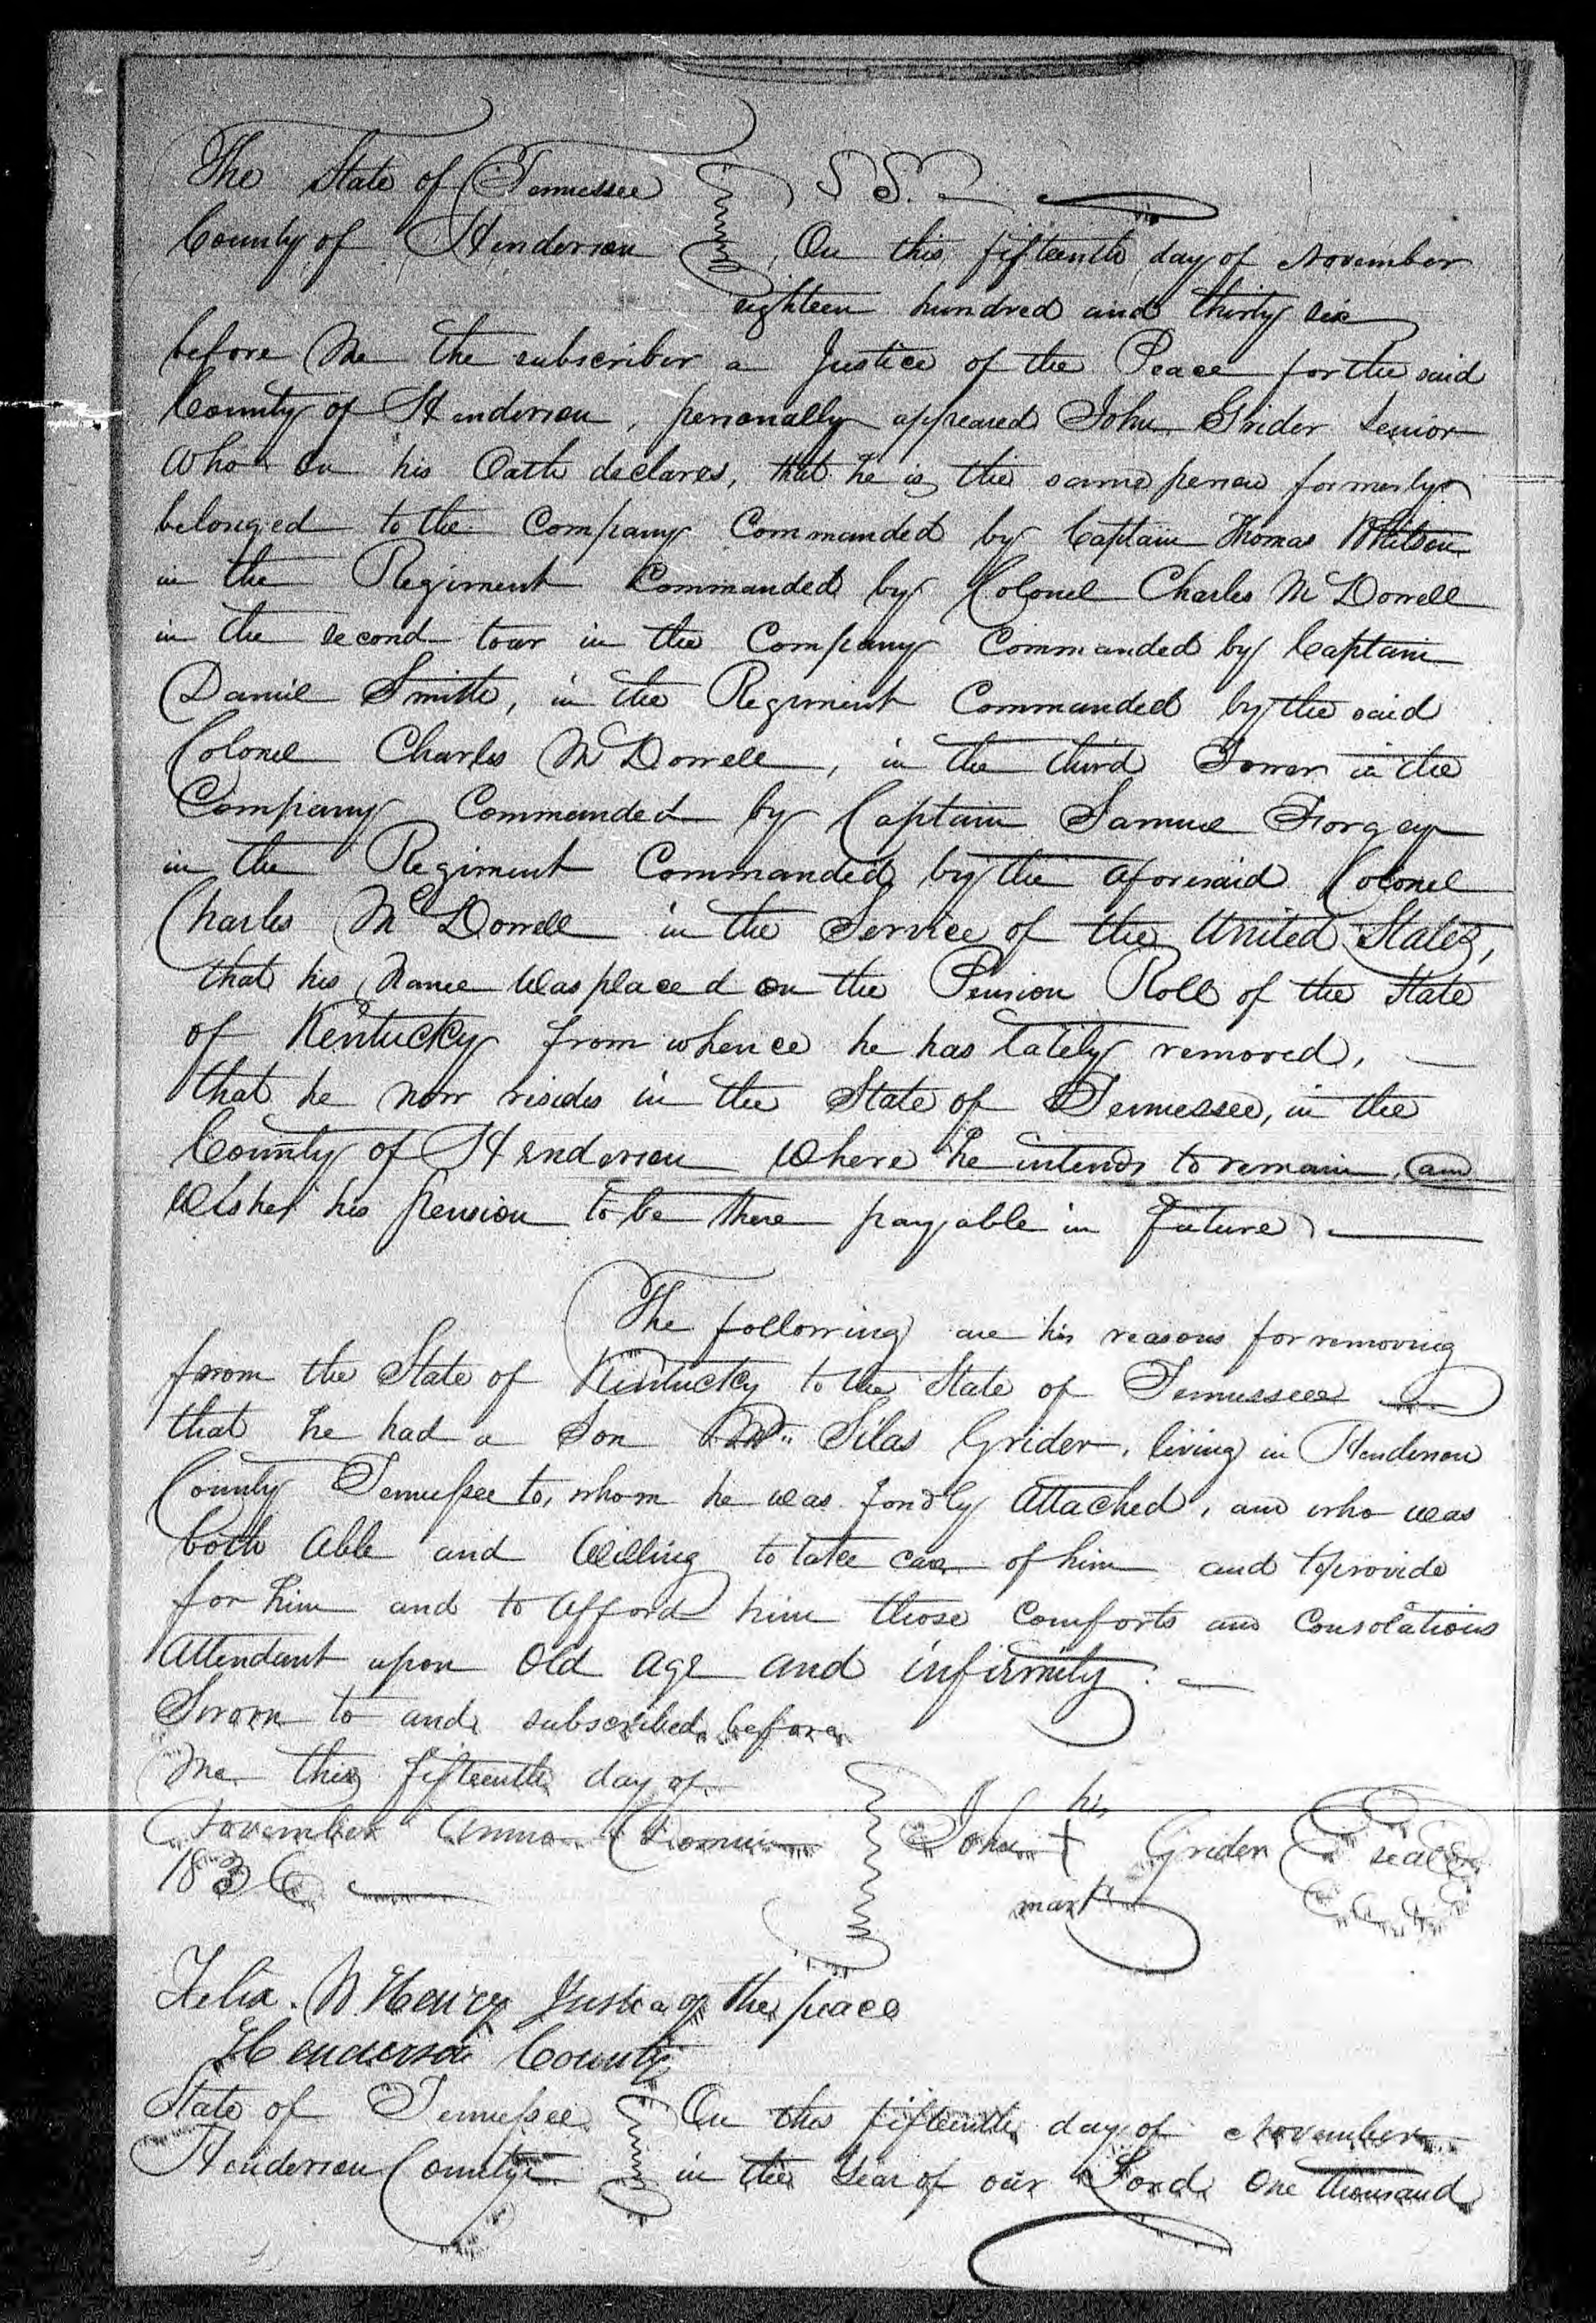The State of Tennessee 
County of Henderson  }  SS.

On this fifteenth day of November eighteen hundred and thirty six before me the subscriber a Justice of the Peace for the said County of Henderson, personally appeared  John Grider Senior who on his Oath declares, that he is the same person formerly belonged to the company commanded by Captain Thomas Whitson in the Regiment Commanded by Colonel Charles McDowell in the second tour in the company commanded by Captain Daniel Smith, in the Regiment commanded by the said Colonel Charles McDowell, in the third  [illegible]  in the company commanded by Captain Sameul Forgey in the Regiment commanded by the aforesaid Colonel Charles McDowell in the Service of the United States, that his name was placed on the Pension Roll of the State of Kentucky from whence he has lately removed, - that he now resides in the State of Tennessee, in the County of Henderson where he intends to remain, and wishes his pension to be there payable in the future.-

The following are his reasons for removing from the State of Kentucky to the State of Tennessee- That he had a son Wm Silas Grider, living in Henderson County Tennessee to, whom he was fondly attached, and who was both able and willing to take care of him and to provide for him and to afford him those comforts and consolations attendant upon old age and infirmity-  [signed] John Grider (his mark)

Sworn to and subscribed before me this fifteenth day of November Anno Domminus 1836  [signed] Felix W Henry Justice of the peace 
Henderson County
State of Tennessee 
Henderson County  }  On this fifteenth day of November in the year of our Lord one thousand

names: Samuel Forgey, Charles Mc Dowell, John Grider, Daniel Smith, Thomas Whitson, Silas Grider, Charles Mc Dowell, John Grider, Felix W Henry, Charles Mc Dowell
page: 35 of 91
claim: widow's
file: W 358, John Grider, N.C.